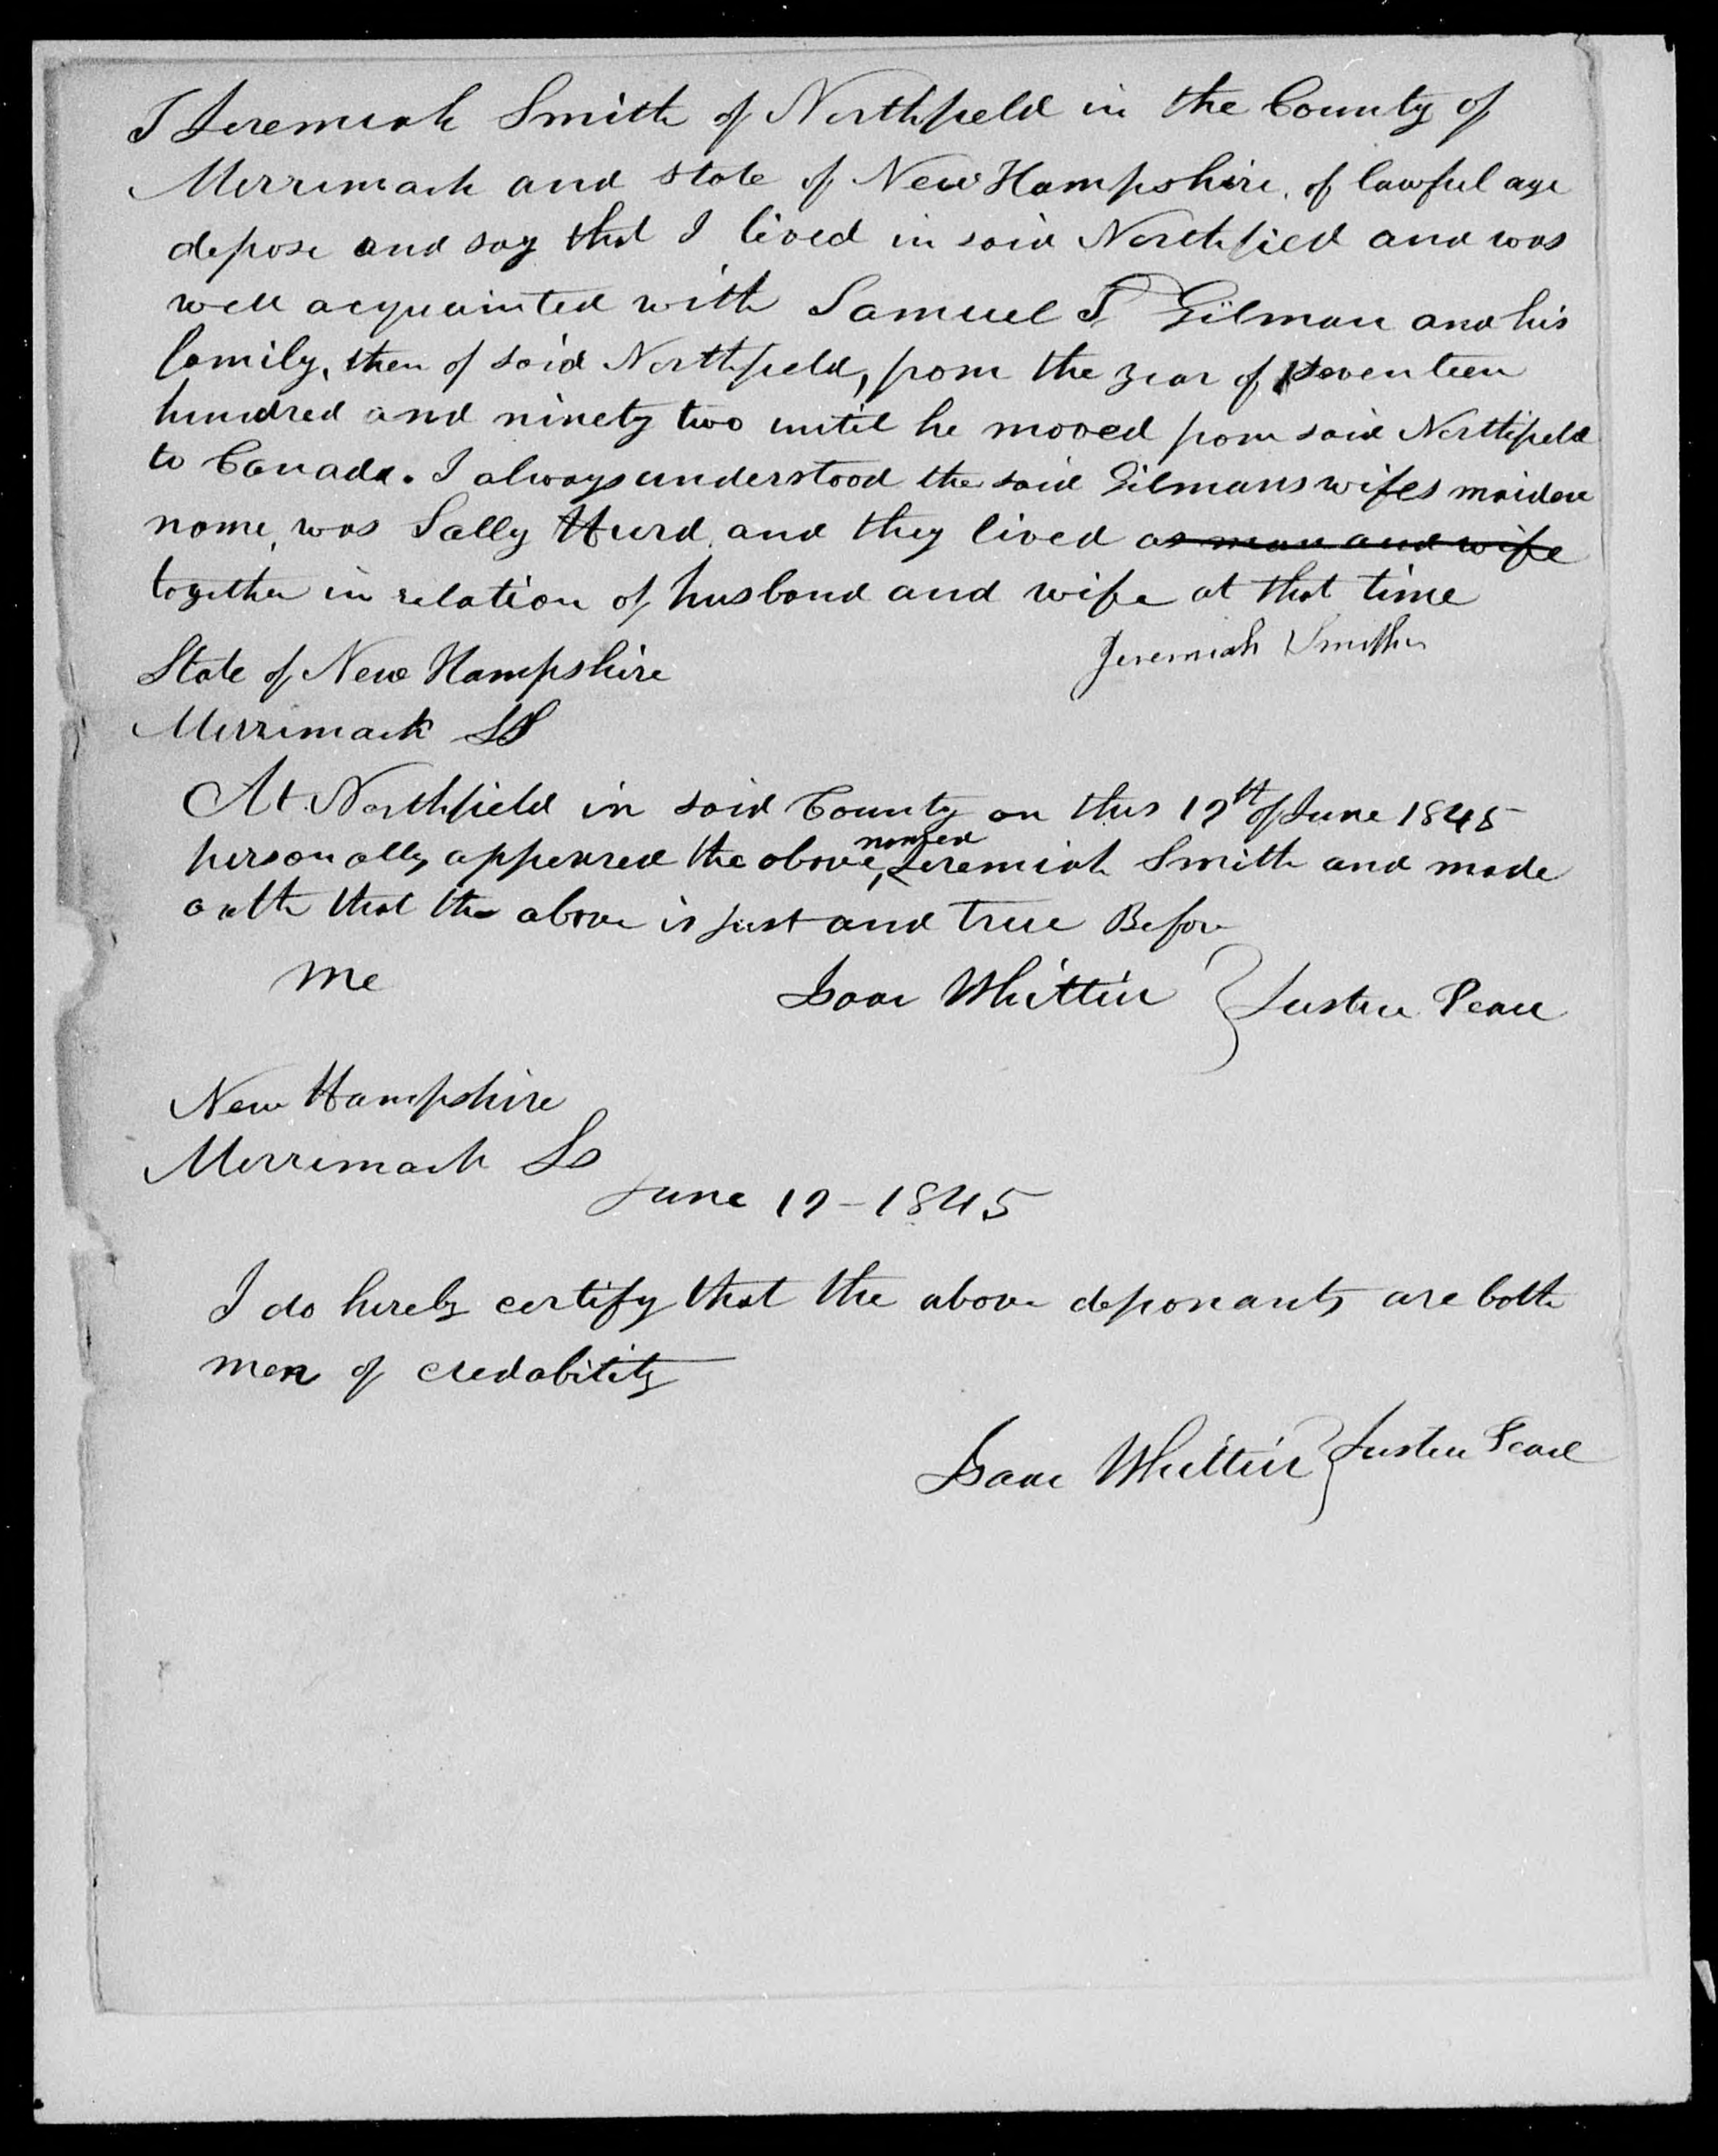I Jeremiah Smith of Northfield in the County of Merrimack and state of New Hampshire, of lawful age, depose and say that I lived in said Northfield and was well acquainted with Samuel T. Gilman and his family, then of said Northfield, from the year seventeen hundred and ninety two until he moved from said Northfield to Canada. I always understood the said Gilmans wifes maiden name was Sally Hurd, and they lived as man and wife ["as man and wife" crossed out] together in relation of husband and wife at that time
Jeremiah Smith
State of New Hampshire
Merrimack SS
At Northfield in said County on the 17th of June 1845 personally appeared the above named Jeremiah Smith and made oath that the above is just and true Before me
Isaac Whittier Justice Peace
New Hampshire
Merrimack SS
June 17 1845
I do hereby certify that the above deponants are both men of credibility
Isaac Whittier Justice Peace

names: Samuel T Gilman, Sally Hurd, Isaac Whittier, Jeremiah Smith, Jeremiah Smith, Gilman, Jeremiah Smith, Isaac Whittier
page: 36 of 61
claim: widow's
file: W. 19500, Samuel Thing Gilman, Continental N.H.